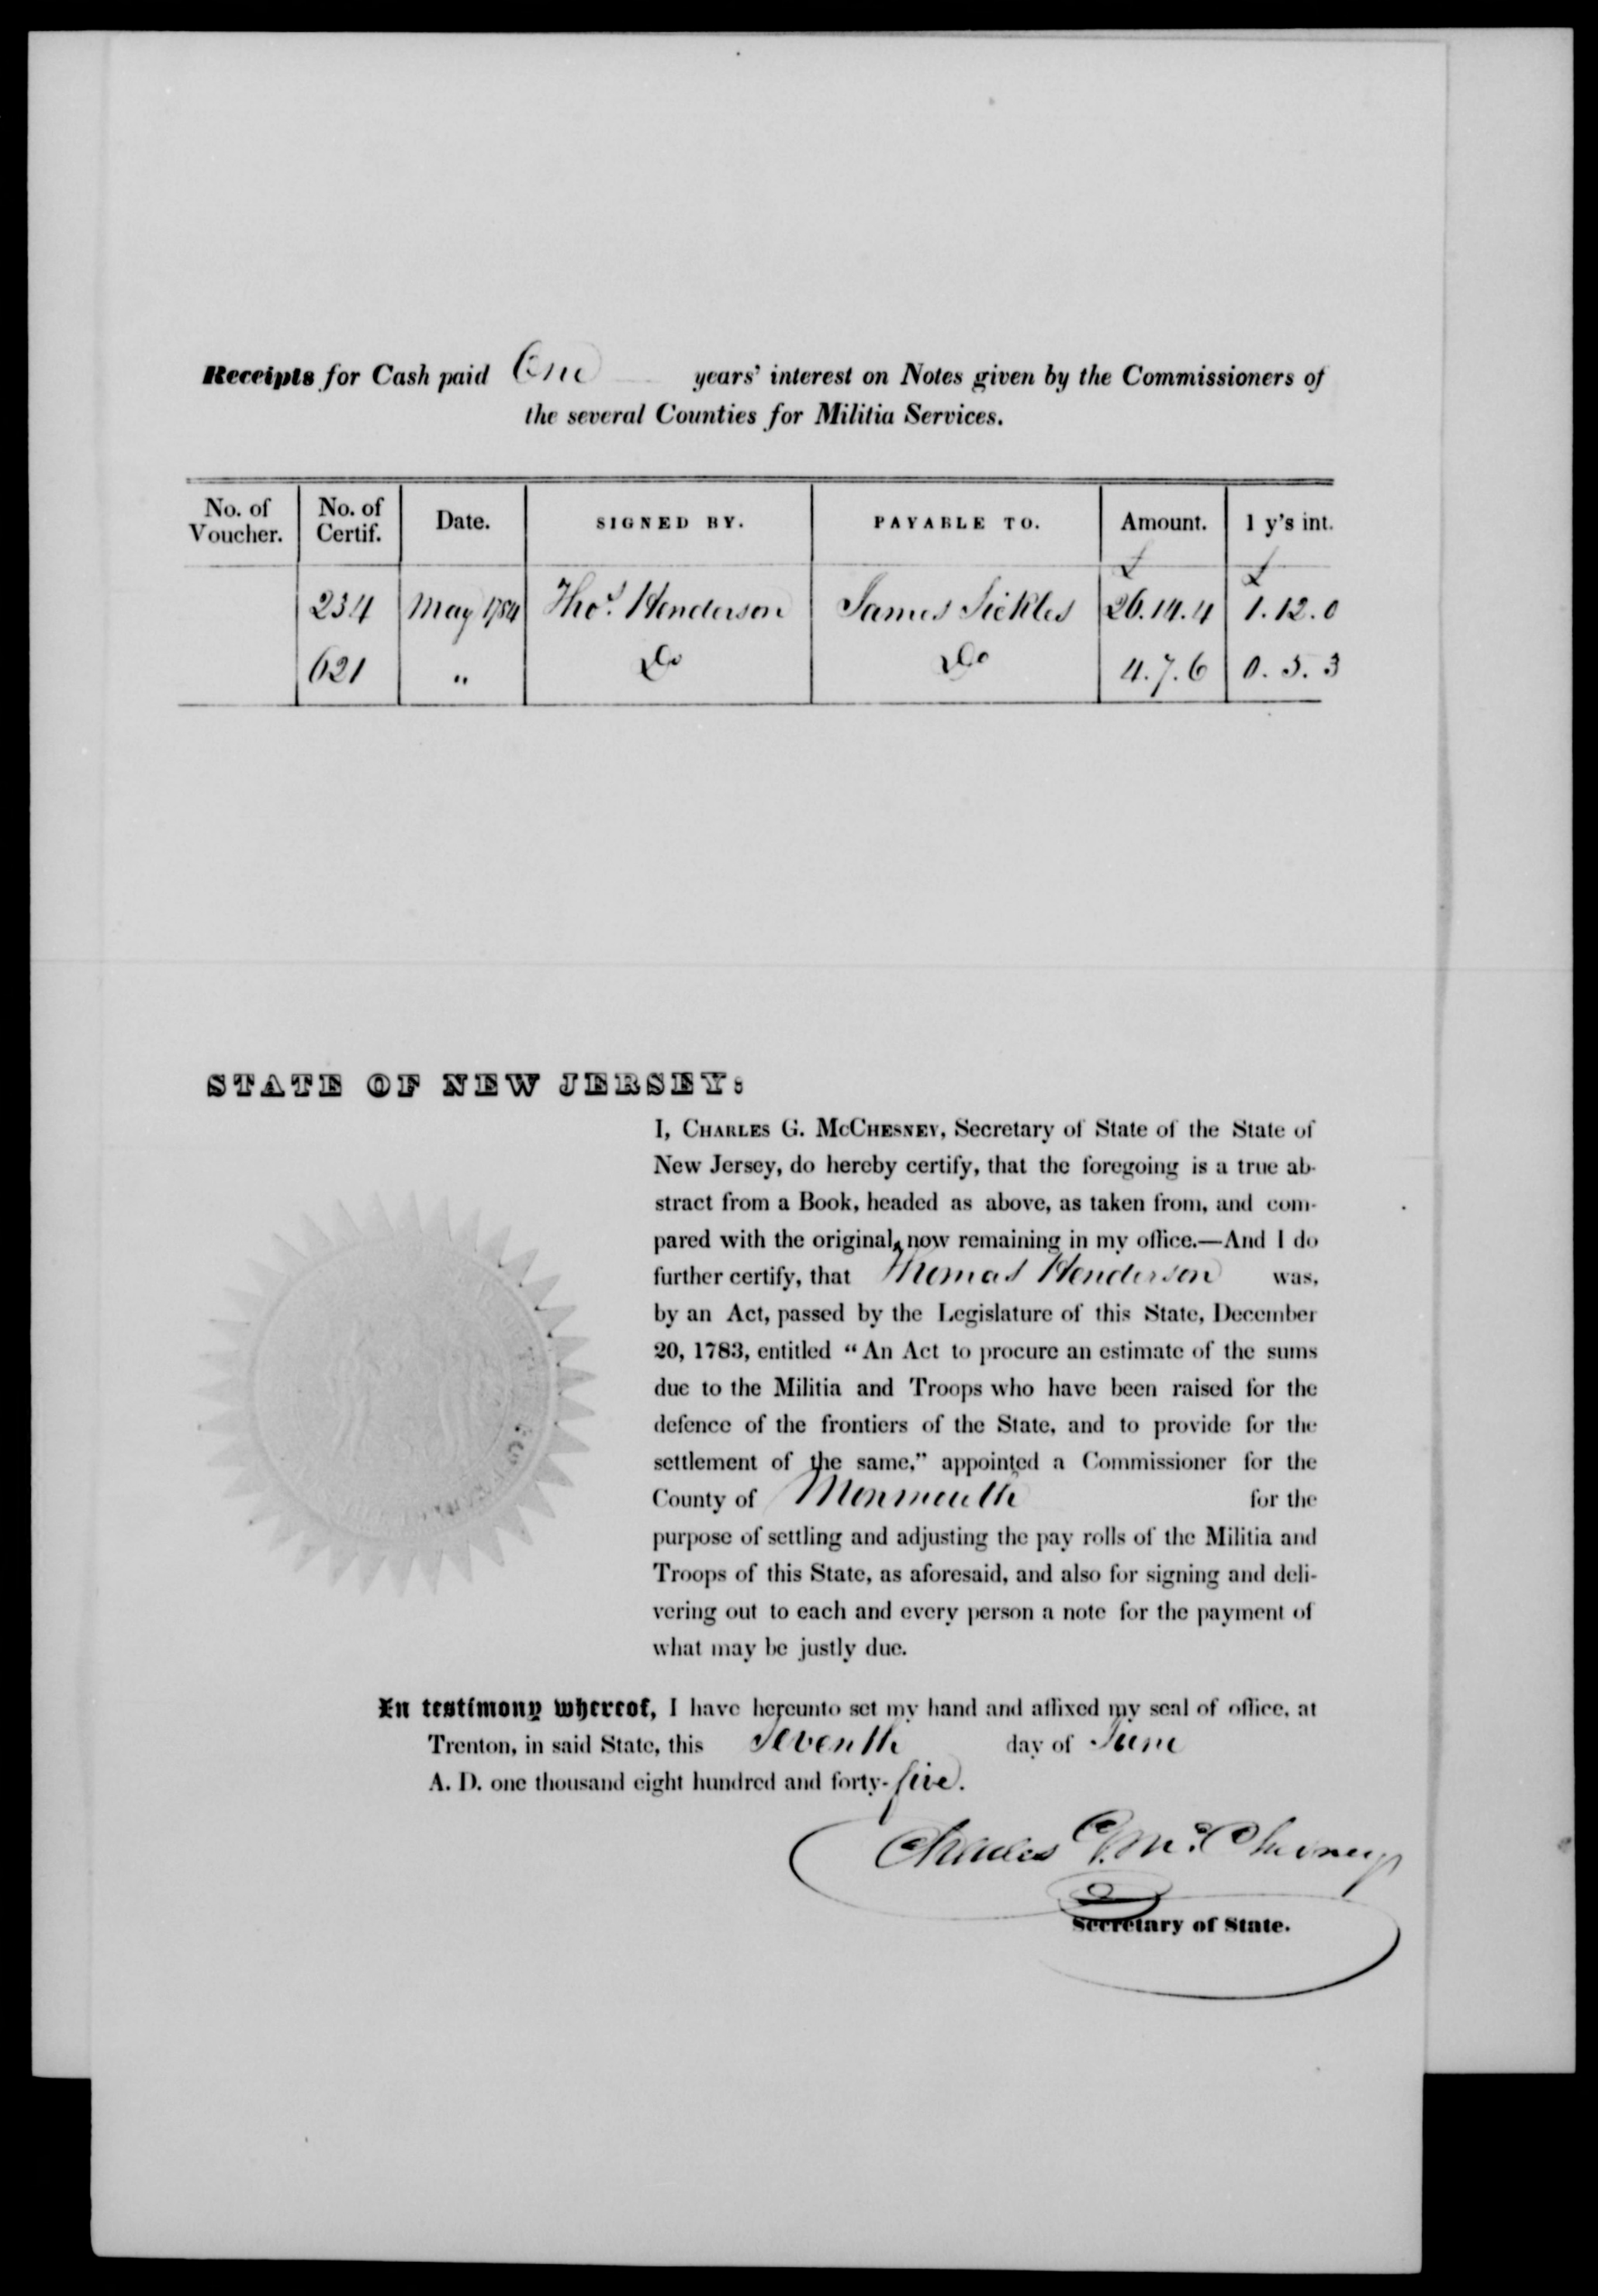Receipts for Cash paid One years' interest is given by the Commissioners of the several Counties for Militia Services.
No. of Voucher. No. of Certif. Date. Signed By. Payable To. Amount. 1 y's int.
234 May 1784 Thos. Henderson James Sickles L [symbol for British pounds] 26.14.4 L 1.12.0
621 " Do. Do. 4.7.6 0.5.3
STATE OF NEW JERSEY:
I, CHARLES G. McCHESNEY, Secretary of State of the State of New Jersey, do hereby certify, that the foregoing is a true abstract
from a Book, headed as above, as taken from, and compared with the original, now remaining in my office.--And I do further certify, that Thomas Henderson was, by an Act passed by the Legislature of this State, December 20, 1783, entitled ""An Act to procure an estimate of the sums
due to the Militia and Troops who have been raised for the defence of the frontiers of the State, and to provide for the settlement of the same appointed a Commissioner for the
County of Monmouth
for the purpose of settling and adjusting the pay rolls of the Militia and Troops of this State, as aforesaid, and also for signing and delivering out to each and every person a note for the payment of what may be justly due.
In testimony whereof, I have hereunto set my hand and affixed my seal of office, at Trenton, in said State, this Seventh day of June
A. D. one thousand eight hundred and forty-five
Charles G. McChesney
Secretary of State.
Download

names: Charles G Mc Chesney; James Sickles; Thos Henderson; Charles G Mc Chesney; Thomas Henderson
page: 23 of 33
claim: survivor's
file: S. 4,841, for James Sickles, New Jersey